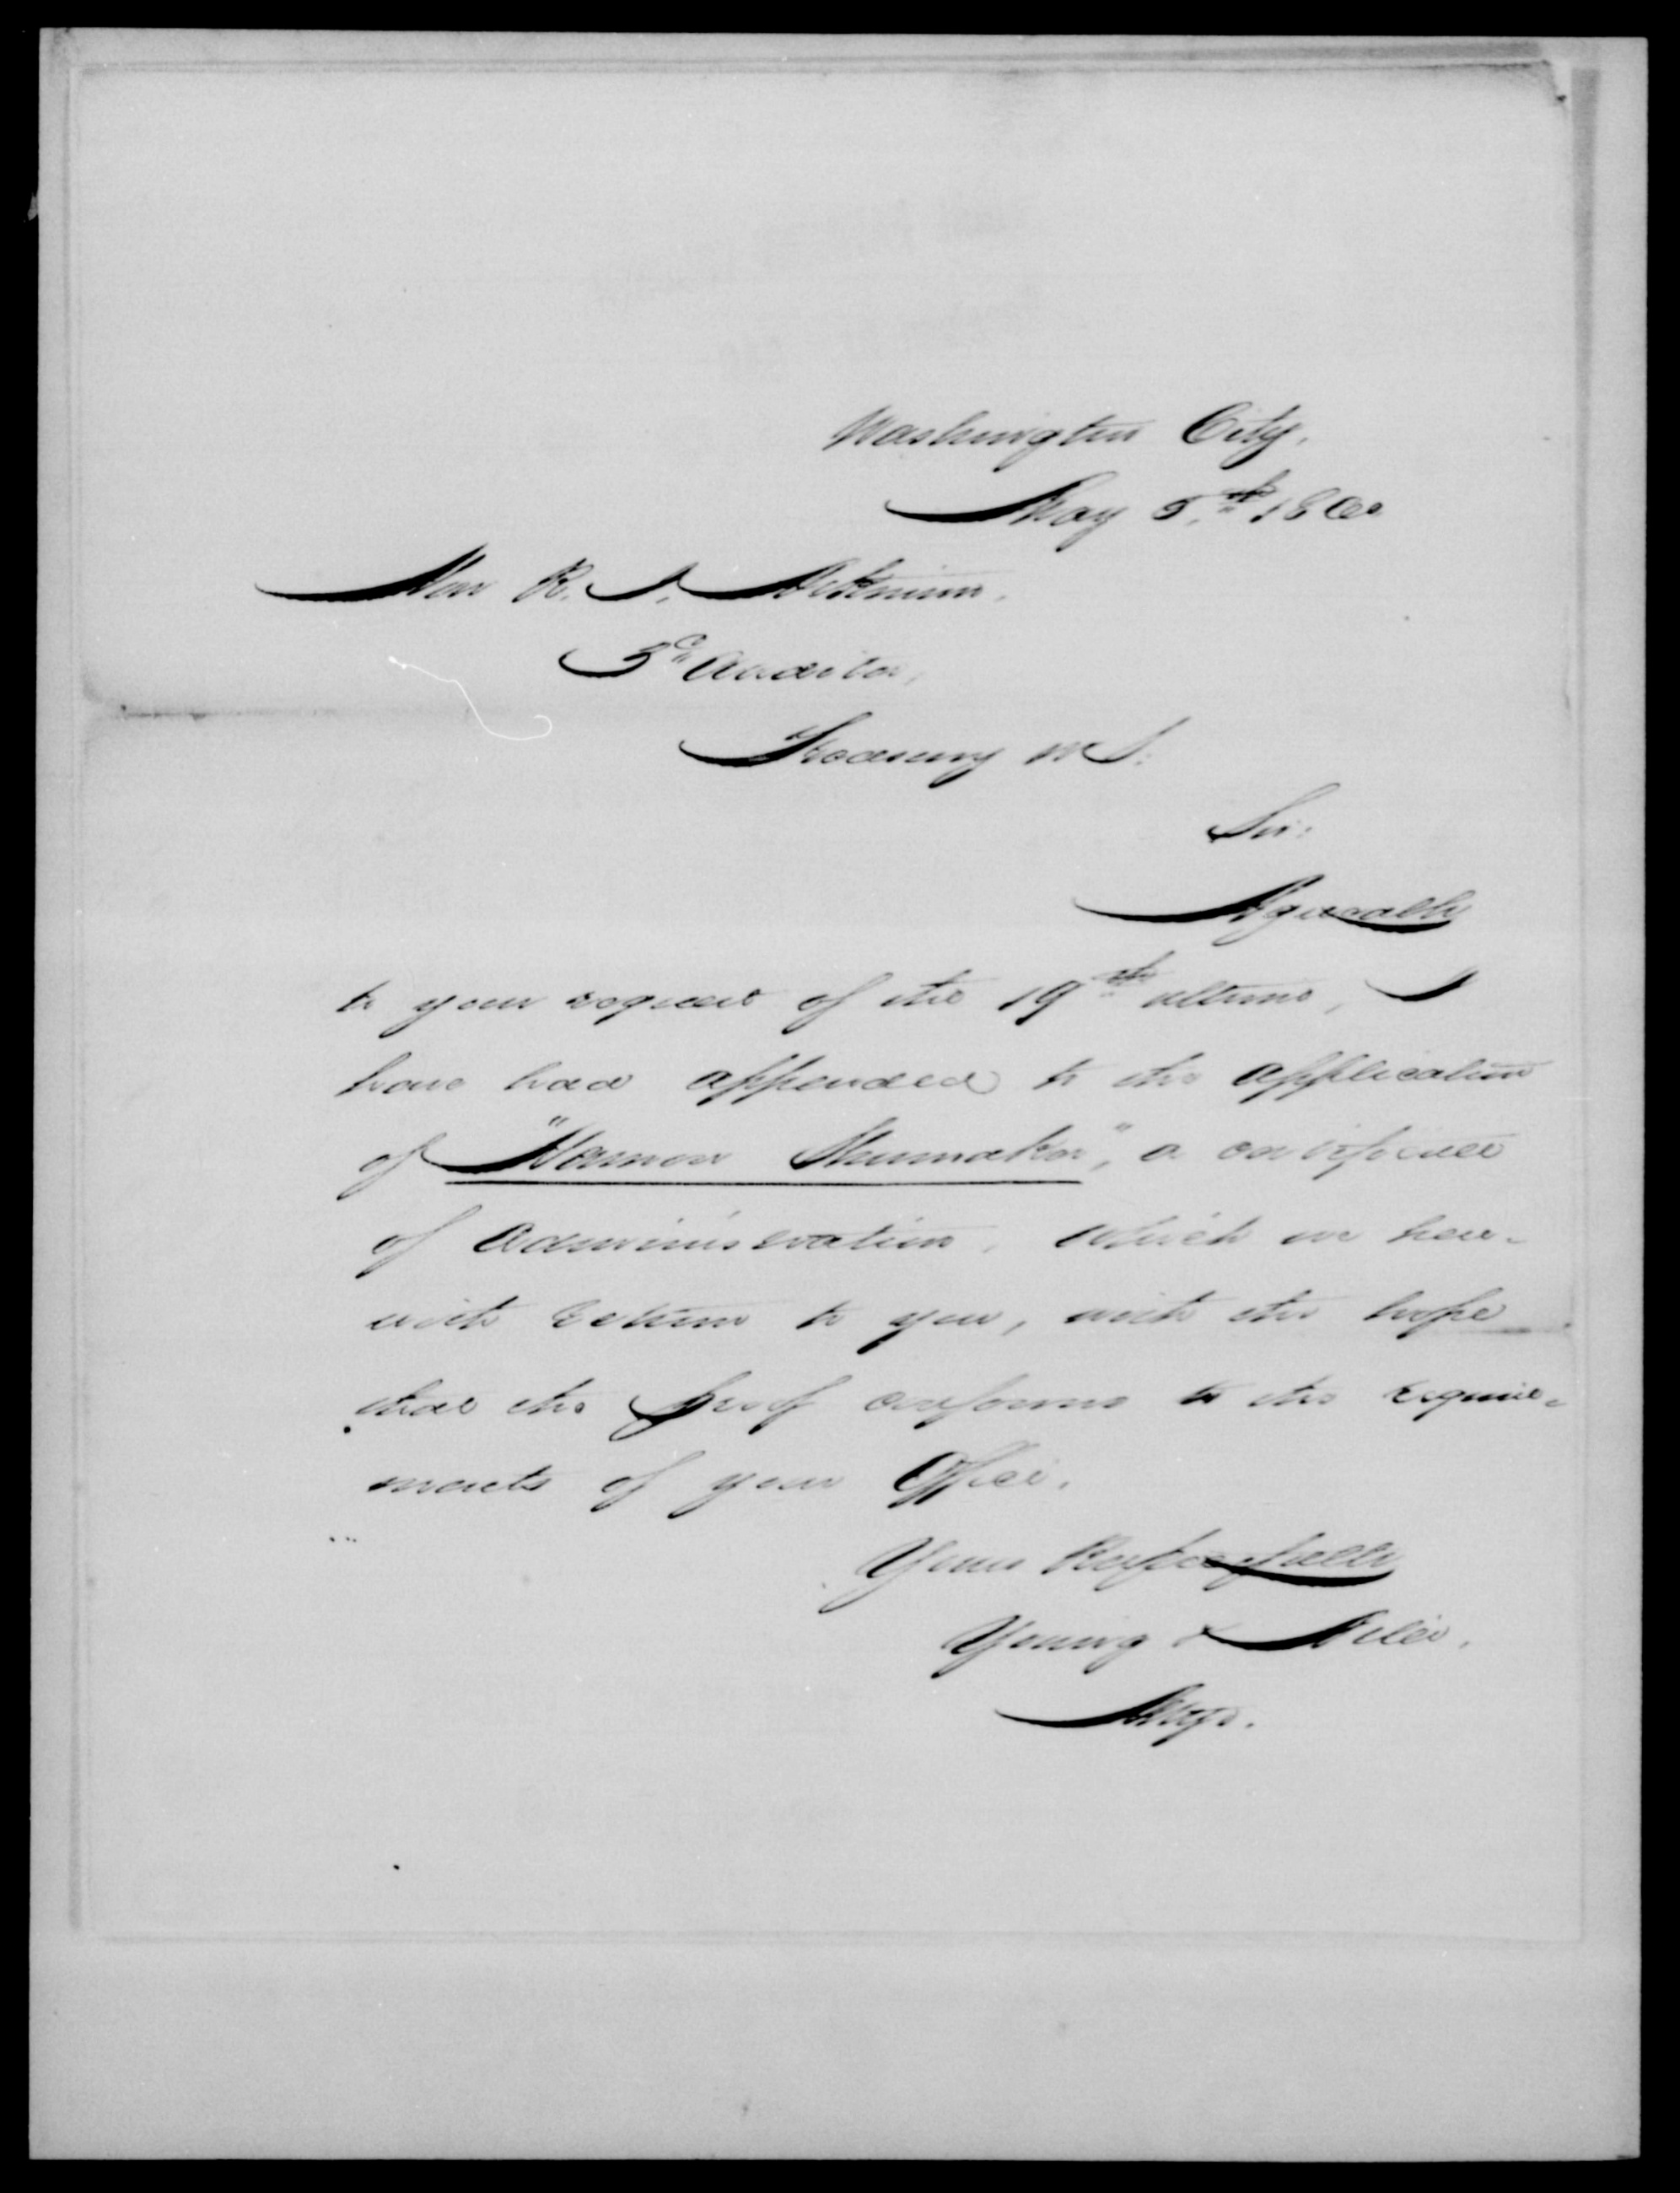Washington City
May 5th 18600
Hon R Arkman 
3rd Auditor
Treasury 
Sir
Agreeable to your request of the 19th ultimo, I
have had appended to the application
of "Harmon Shumaker, a certificate
of administration, which we herewith
[illegible] to you, with the hope
that the proof conforms to the requirements
of your office.
Yours Respectfully 
Young & Niles,
Attys.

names: R J Atkinson; Hamon Shumaker; [BLANK] Young; [BLANK] Niles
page: 17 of 20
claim: survivor's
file: S. 32512, for Harmon Shumaker, Maryland